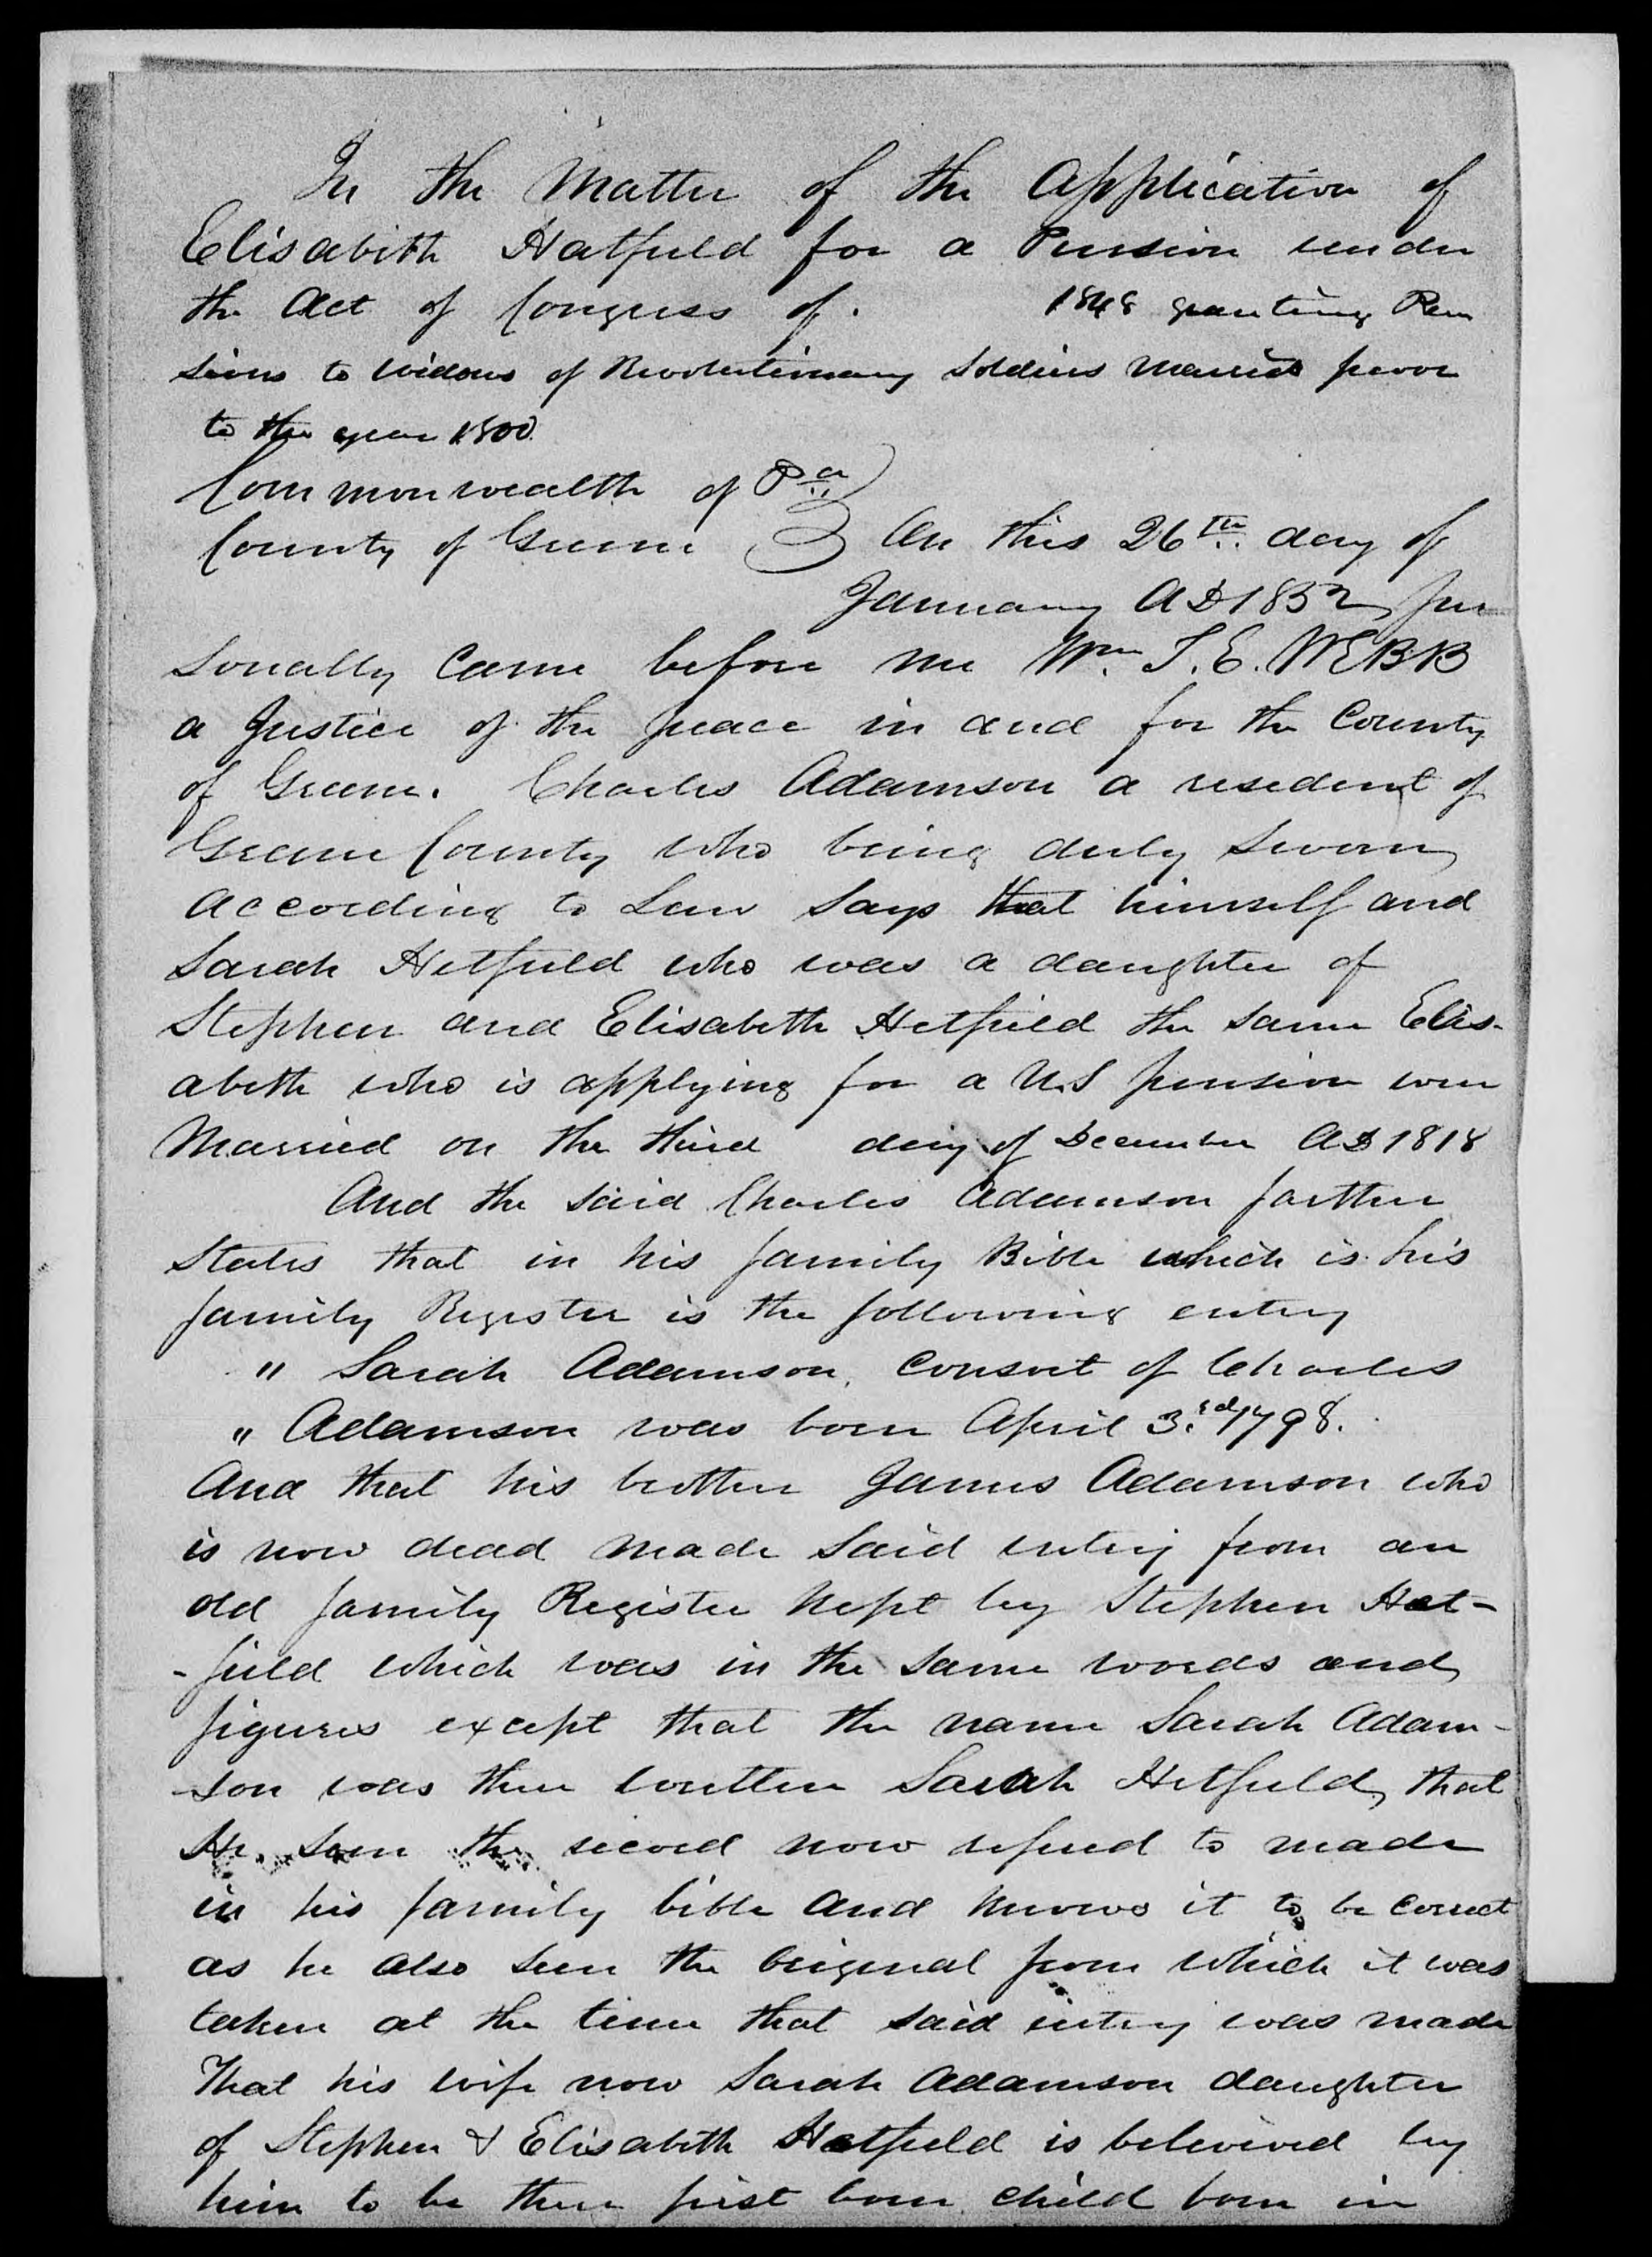In the Matter of the Application of
Elisabith Hatfield for a Pension under
the Act of Congress of 1848 granting Pensions
to widows of Revolutionary Soldier married prior
to the year 1800
Commonwealth of Pa
County of Greene
On this 26th day of January AD 1852
personally came before Mr. Wm T. E. Webb
a Justice of the Peace in and for the County
of Greene Charles Adamson a resident of
Greene County who being duly Sworn
according to Law says that himself and
Sarah Hetfield who was a daughter of
Stephen and Elisabeth Hetfield the same
Elisabeth who is applying for a US Pension were
married on the third day of December AD 1818
And the said Charles Adamson farther
States that in his family Bible which is his
family Register is the following entry
"Sarah Adamson consort of Charles
"Adamson was born April 3.rd 1798
and that his brother James Adamson who
is now dead made Said entry from an
old family Register kept by Stephen Hatfield
which was in the same words and
figures except that the name Sarah Adamson
was then written Sarah Hetfield that
He saw the record now refered to made
in his family bible and knows it to be correct
as he also saw the original from which it was
taken at the time that said entry was made
That his wife now Sarah Adamson daughter
of Stephen & Elisabeth Hetfield is believed by
him to be their first born child born in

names: Elisabeth Hetfield, Stephen Hatfield, Sarah Adamson, James Adamson, Sarah Adamson, Sarah Adamson, Elisabeth Hatfield, Charles Adamson, Adamson, Charles Adamson, Stephen Hetfield, Stephen Hatfield, Sarah Hetfield, Sarah Hetfield, Elisabeth Hatfield, Elisabeth, Wm T E Webb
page: 38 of 45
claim: widow's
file: W. 2734, Stephen Hetfield, New Jersey